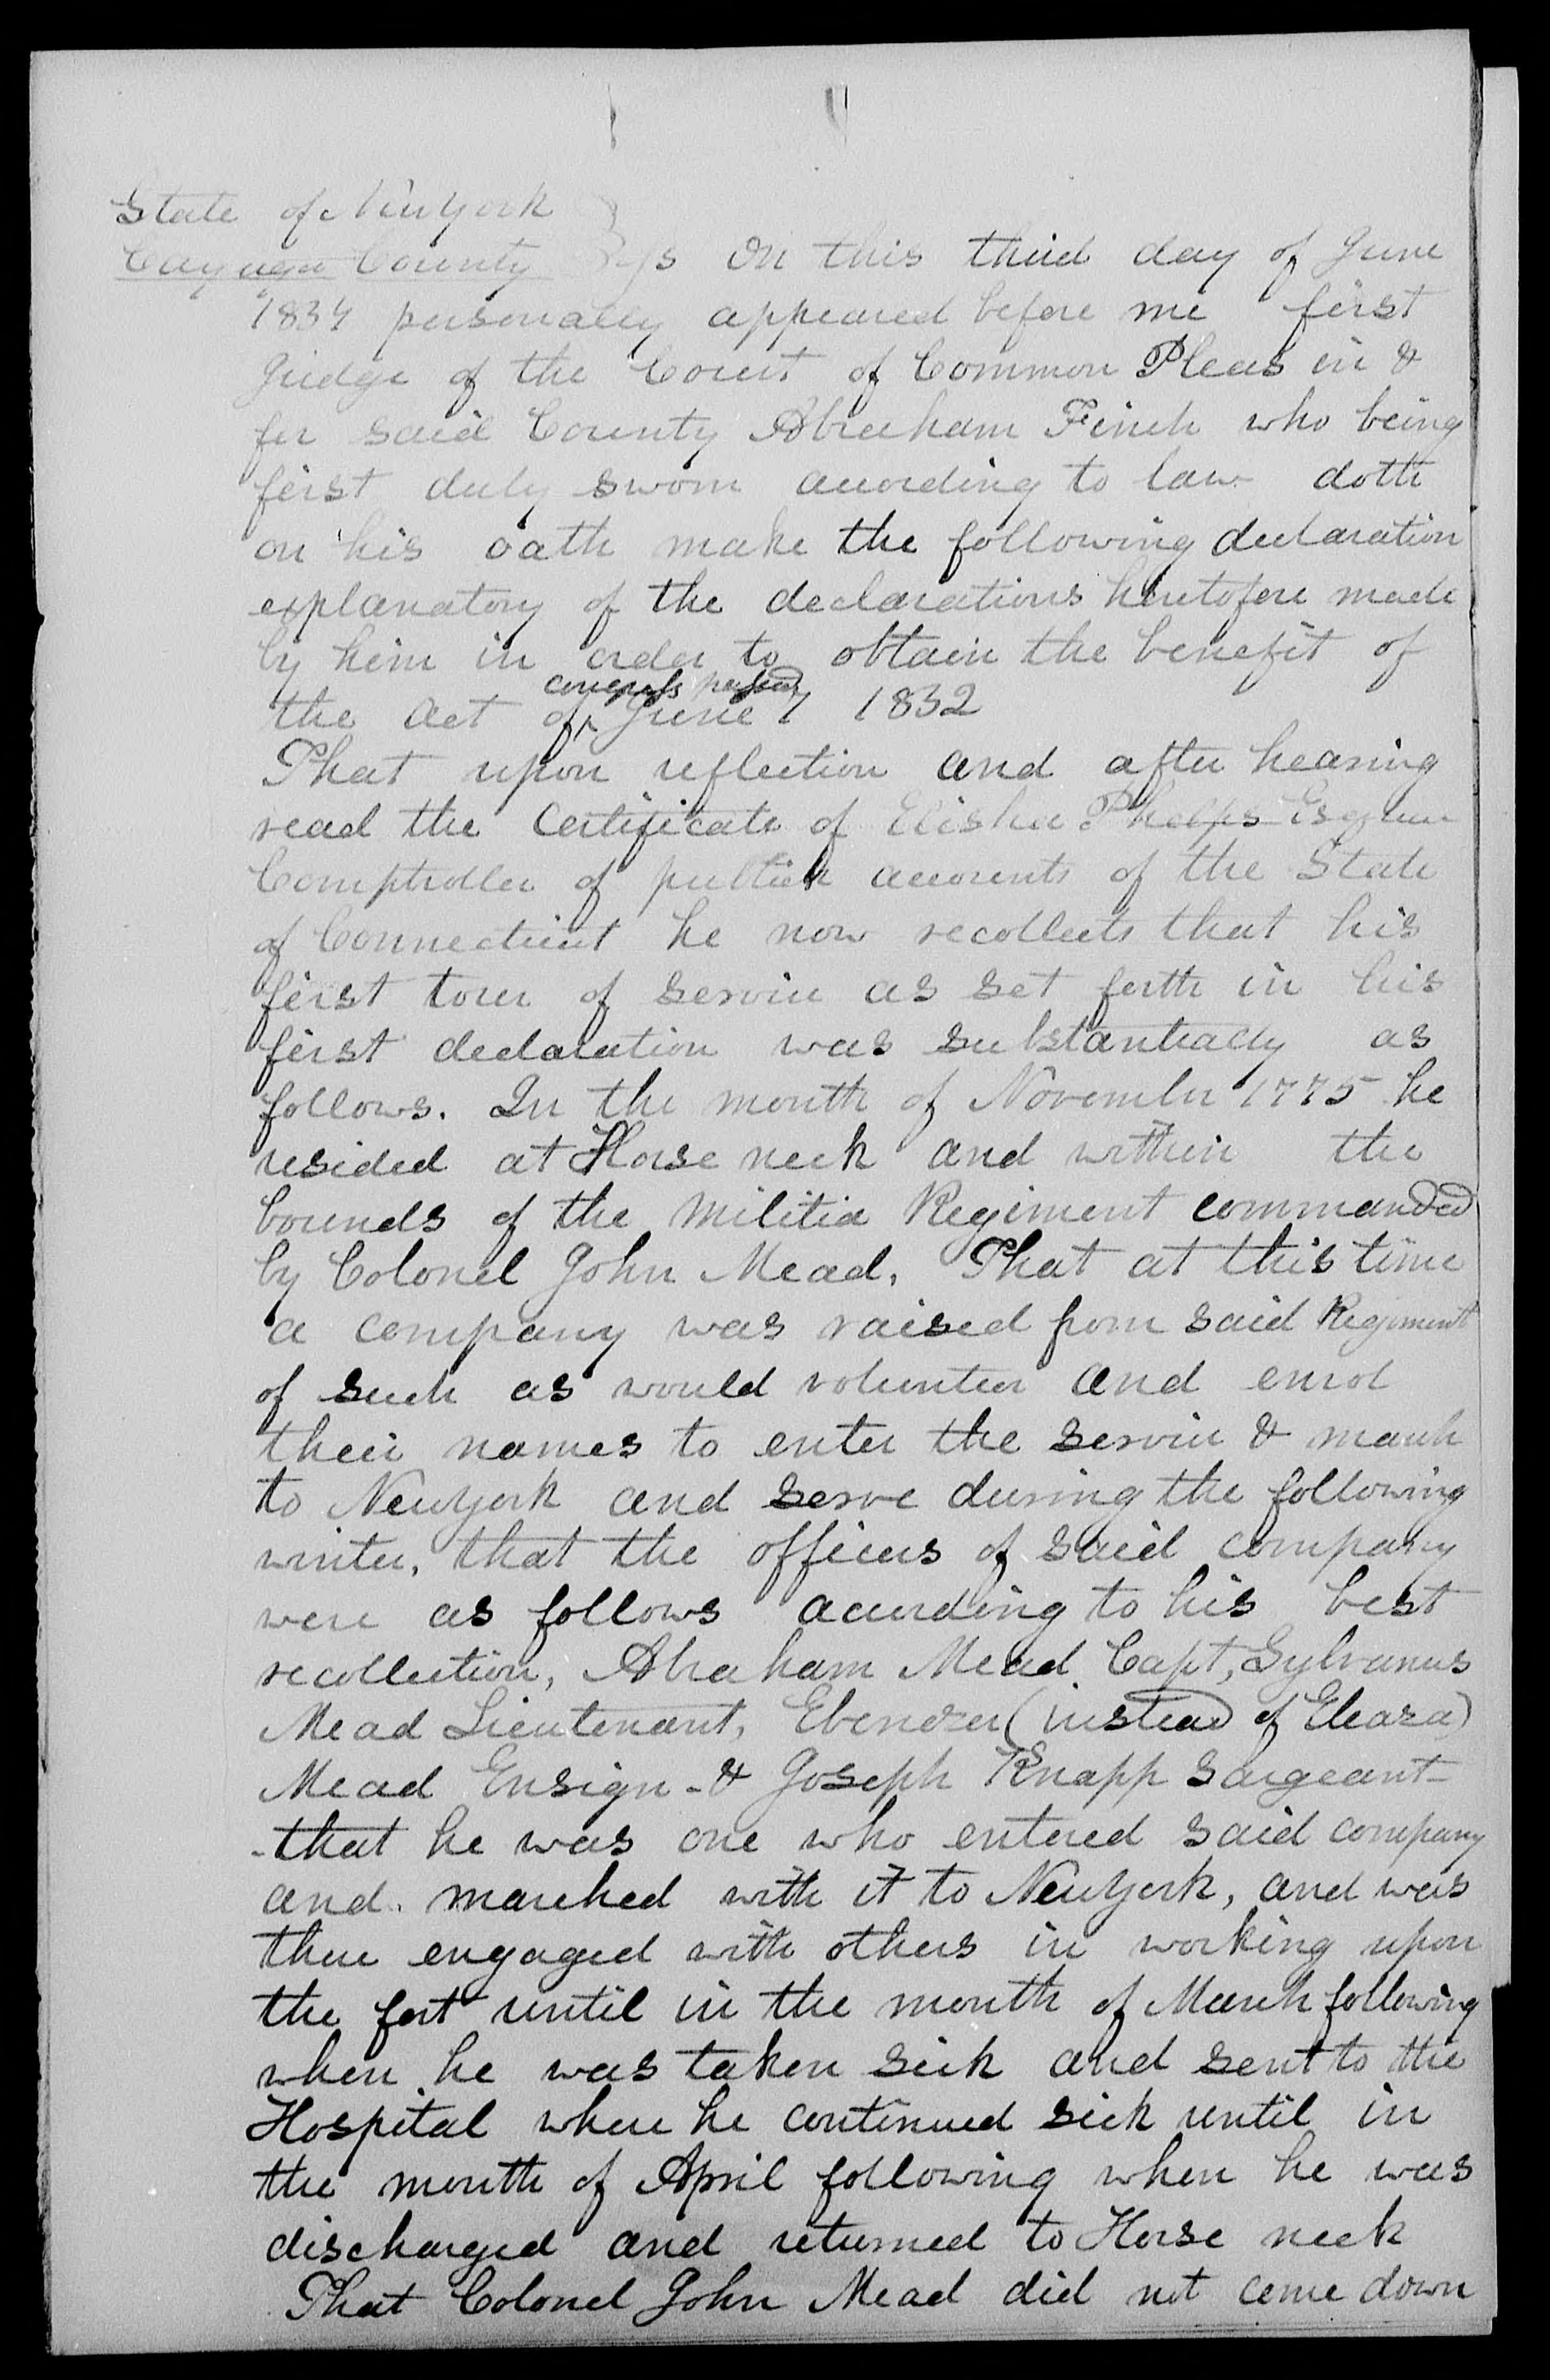State of New York
Cayuga County
SS
On this third day of June 1834 personally appeared before me first Judge of the Court of Common Pleas in & for said County Abraham Finch who being first duly sworn according to law doth on his oath make the following declaration explanatory of the declarations heretofore made by him in order to obtain the benefit of the act congress passed June 7 1832
That upon reflection and after hearing
read the certificate of Elisha Phelps Esquire
Comptroller of publick accounts of the State of
Connecticut he now recollects that his
first tour of service as set forth in his
first declaration was substantially as
follows. In the month of November 1775 he
resided at Horse neck and within the bounds of the Militia Regiment commanded
by Colonel John Mead, That at this time
a company was raised from said Regiment
of such as would volunteer and enrol
their names to enter the service & march
to New York and serve during the following
winter, that the officers of said company
were as follows according to his best
recollection, Abraham Mead Capt, Sylvanus
Mead Lieutenant, Ebenezer (instead of Eleara)
Mead Ensign & Joseph Knapp Sargeant -
that he was one who entered said company
and marched with it to New York, and was
there engaged with others in working upon
the fort until in the month of March following
when he was taken sick and sent to the
Hospital where he continued sick until in
the month of April following when he was
discharged and returned to Horse neck
That Colonel John Mead did not come down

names: Elisha Phelps, John Mead, Joseph Knapp, Ebenezer Mead, Abraham Mead, John Mead, Abraham Finch, Sylvanus Mead, Eleaza Mead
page: 28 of 35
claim: survivor's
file: S. 28727, Abraham Finch, Conn.